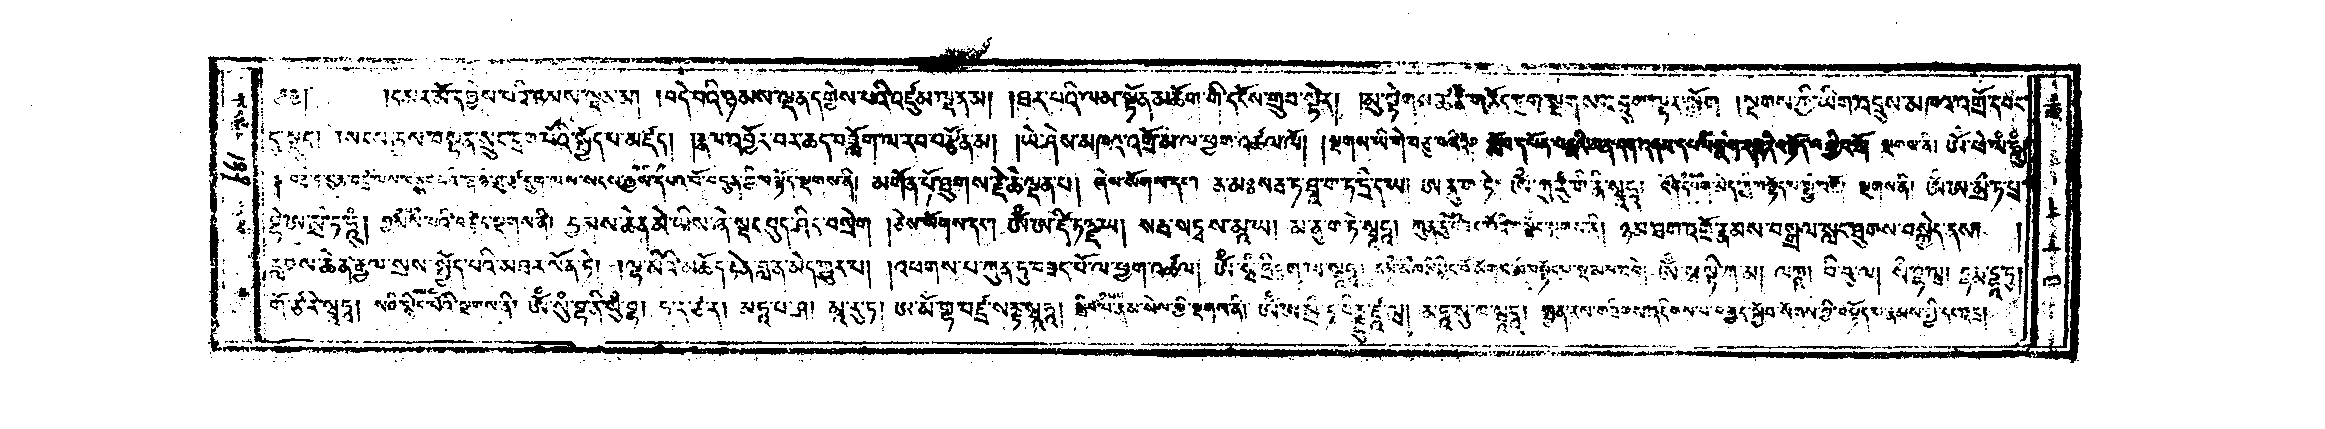༄༅། །དམར་མོ་དགྱེས་པའི་ཉམས་ལྡན་མ། །བདེ་བའི་ཉམས་ལྡན་དགྱེས་པའི་འཛུམ་ལྡན་མ། །ཐར་པའི་ལམ་སྟོན་མཆོག་གི་དངོས་གྲུབ་སྟེར། །མུ་སྟེགས་ཚར་གཅོད་དྲག་སྔགས་འབྲུག་ལྟར་སྒྲོག །སྔགས་ཀྱི་ཡིག་འབྲུས་མཁའ་འགྲོ་དབང་
དུ་སྡུད། །སངས་རྒྱས་བསྟན་སྲུང་དྲག་པོའི་སྤྱོད་པ་མཛད། །རྣལ་འབྱོར་བར་ཆད་བཟློག་ལ་རབ་བརྩོན་མ། །ཡེ་ཤེས་མཁའ་འགྲོ་མ་ལ་ཕྱག་འཚལ་ལོ། །སྔགས་ཡི་གེ་བཅུ་བཞིའོ།། སློབ་དཔོན་པདམའི་མན་ངག་འཇམ་དཔལ༡༤༨་ནཱ་ག་རཀྵའི་བསྟོད་པ་སྤྱི་འགྲོ། སྔགས་ནི། ཨོཾ་ཕེ?་ལཾ་ཧཱུཾ།
༈ པཎྜི་ཏ་པུརྞ་བཛྲ་ལས་བརྒྱུད་པའི་ལྷ་ཉི་ཤུ་རྩ་དྲུག་ལས་སངས་རྒྱས༡༤༩་དཔའ་བོ་བདུན་ཀྱི་བསྟོད་སྔགས་ནི། མགོན་པོ་ཐུགས་རྗེ་ཆེ་ལྡན་པ། ཞེས་སོགས་དང་།  ན་མཿསརྦ་ཏ་ཐཱ་ག་ཏ་ཧྲི་ད་ཡ། ཨ་ནུ་ག་ཏེ། ཨོཾ་ཀུ་རུཾ་གི་ནི་སྭཱཧཱ། འོད་དཔག༡༥༠་མེད་ཀྱི་བསྟོད་པ་སྤྱི་འགྲོ། སྔགས་ནི། ཨོཾ་ཨ་མྲྀ་ཏ་པྲ་
བྷེ་ཨ་མྲྀ་ཏ་ཧཱུཾ། བྱམས༡༥༡་པའི་བསྟོད་སྔགས་ནི། བྱམས་ཆེན་མེ་ཡིས་ཞེ་སྡང་བུད་ཤིང་བསྲེག་།ཅེས་སོགས་དང་།  ཨོཾ་ཨ་ཛི་ཏཉྫ་ཡ། སརྦ་སཏྭ་ས་མཱ་ཡ། མ་ནུ་ག་ཏེ་སྭཱཧཱ། ཀུན་ཏུ་བཟང་པོའི་བསྟོད་སྔགས་ནི།  ཉམ་ཐག་འགྲོ་རྣམས་བསྒྲལ་སླད་ཐུགས་བསྐྱེད་ནས། །
རླབས་ཆེན་རྒྱལ་སྲས་སྤྱོད་པའི་མཐར་སོན་ཏེ། །ལྷ་མིའི་མཆོད་རྟེན་བླ་ན་མེད་གྱུར་པ། །འཕགས་པ་ཀུན་ཏུ་བཟང་པོ་ལ་ཕྱག་འཚལ། ཨོཾ་སྭཾ་ཧྲིཿཀ་ཡ་སྭཱཧཱ། ནམ༡༥༢་མཁའི་སྙིང་པོ་སོགས་ཀྱི་བསྟོད་པ་སྔ་མས་འགྲེ། ཨོཾ་སྭསྟི་ཀ་མ། ལཀྵ། བི་བུ་ལ། སཾ་བྷ་ཝ། དྷརྨ་དྷཱ་ཏུ།
གོ་ཙ་རེ་སྭཱཧཱ། སའི༡༥༤་སྙིང་པོའི་སྔགས་ནི། ཨོཾ་སུཾ་བྷ་ནི་སུཾ་བྷ། ཧ་ར་ཙ་ར། མཧཱ་པ་ཤ། མཱ་རུ་ཏ། ཨ་མོ་གྷ་བཛྲ་སནྟ་སྭཱཧཱ། སྒྲིབ་པ༡༥༥་རྣམ་སེལ་གྱི་སྔགས་ནི། ཨོཾ་ཨ་མྲྀ་ཏ་བིནྡྷུ་ཛཱ་ཝ། མཧཱ་སུ་ཁ་སྭཱཧཱ། སྤྱན་རས་གཟིགས་འཇིགས་པ་བརྒྱད་སྐྱོབ་སོགས་ཀྱི་བསྟོད་པ་རྣམས་སྤྱི་དང་འདྲ།